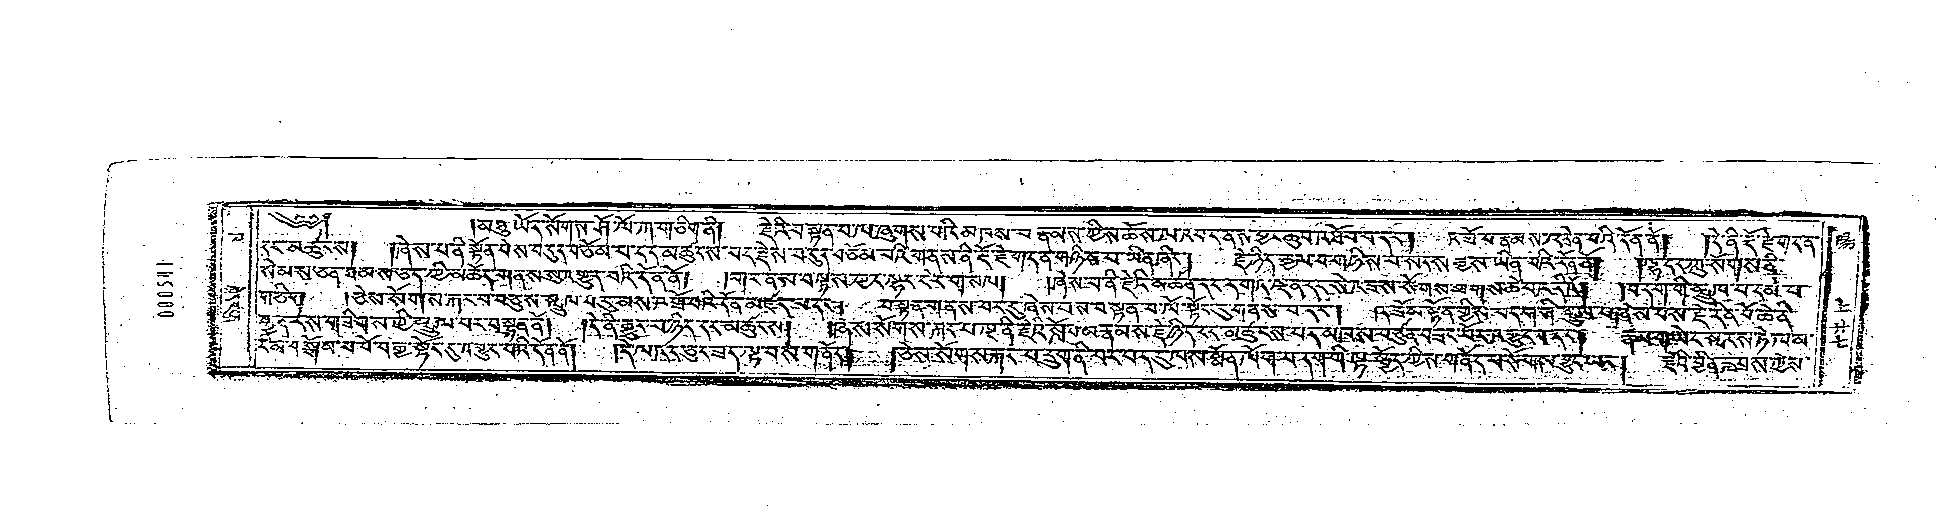༄༅། །མཐུ་ཡོད་སོགས་ཤོ་ལོ་ཀ་གཅིག་ནི། རྗེའི་བསྟན་པ་ལ་ཞུགས་པའི་མཁས་པ་རྣམས་ཀྱིས་ཆོས་ལ་འབད་ནས་བྱང་ཆུབ་འཐོབ་པ་དང་། འགྲོ་པ་རྣམས་འདྲེན་བའི་དོན་ནོ། །དེ་ནི་རྡོ་རྗེ་གདན་
དང་མཚུངས། །ཞེས་པ་ནི་སྟོན་བེས་བདུད་བཅོམ་པ་དང་མཚུངས་པར་རྗེས་བདུད་བཅོམ་པའི་གནས་ནི་རྡོ་རྗེ་གདན་གཉིས་པ་ཡིན་ཞིང་། རྗེ་ཉིད་རྒྱལ་བ་གཉིས་པ་སངས་རྒྱས་ཡིན་བའི་དོན་ནོ། །ལྷ་དང་གླུ་སོགས་ནི་
སེམས་ཅན་ཐམས་ཅད་ཀྱི་མཆོད་གནས་སུ་འགྱུར་བའི་དོན་ནོ། །གང་ནས་བལྟས་ཀྱང་ལྷང་ངེར་གསལ། །ཞེས་པ་ནི་རྗེའི་མཚན་དང་དགའ་ལྡན་དང་སེ་འབྲས་སོགས་གྲགས་ཆེ་བ་འདིའོ། །བདག་གི་སྤྲུལ་ཁ་པ་དམ་པ་
གཅིག །ཅེས་སོགས་རྐང་བ་བཅུས་སྤྲུལ་པ་དུ་མས་འགྲོ་བའི་དོན་མཛད་པ་དང་། བསྟན་གནས་བར་དུ་ཞེས་བས་བསྟན་པ་ལོ་སྟོང་དུ་གནས་བ་དང་། འབྲོམ་སྟོན་གྱིས་བདག་གི་སྤྲུལ་པ་ཞེས་པས་རྗེ་རིན་པོ་ཆེ་ནི་
སྤྱན་རས་གཟིགས་ཀྱི་སྤྲུལ་བར་བསྟན་ནོ། །དེ་ནི་རྒྱུད་བ་ཉིད་དང་མཚུངས། །ཞེས་སོགས་རྐང་པ་ལྔ་ནི་རྗེའི་སློབ་མ་རྣམས་རྗེ་ཉིད་དང་མཚུངས་པར་མཁས་བཙུན་བཟང་པོར་འགྱུར་བ་དང་། རྣམ་གཡེང་སྤངས་ཏེ་ལམ་
རིམ་བསྒོམ་པ་པོ་བརྒྱ་སྟོང་དུ་འབྱུང་བའི་དོན་ནོ། །དེ་ལའང་ཅུང་ཟད་ལྟ་བས་གནོད། །ཅེས་སོགས་རྐང་པ་དྲུག་ནི་བར་བར་དུ་ལས་སྨོན་ལོག་བ་དག་གི་ལྟ་སྤྱོད་ཀྱིས་གནོད་པ་སོགས་བྱུང་ཡང་། རྗེའི་བྱིན་རླབས་ཀྱིས་